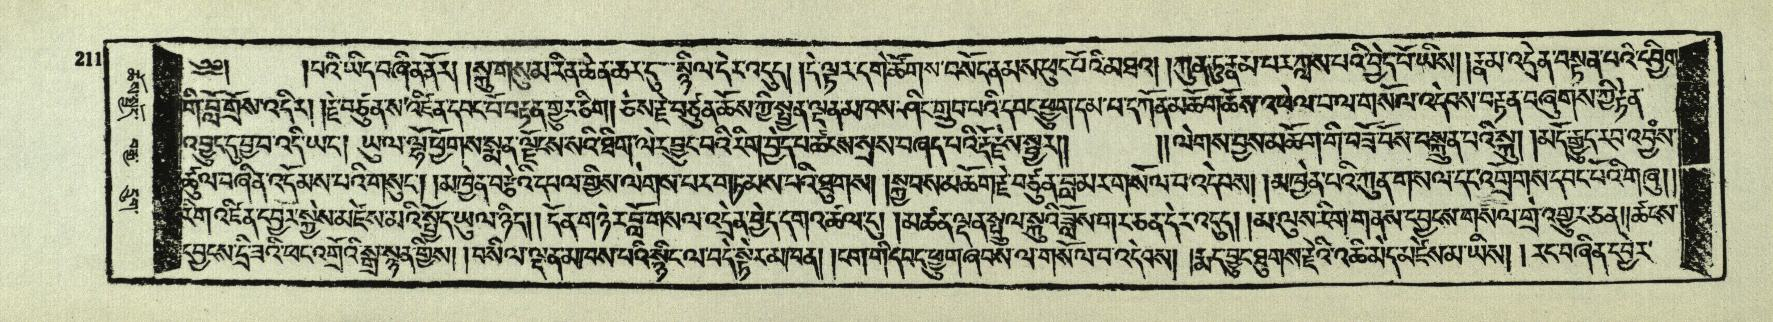༄༅། །པའི་ཡིད་བཞིན་ནོར། །སྐུ་གསུམ་རིན་ཆེན་ཆར་དུ་སྙིལ་དེར་འདུད། །དེ་ལྟར་དགེ་ཚོགས་བསོད་ནམས་ཕུང་པོའི་མཐའ། །ཀུན་ཏུ་རྣམ་པར་ཀླས་པའི་བྱེད་པོ་ཡིས། །རྣམ་འདྲེན་བསྟན་པའི་དབྱིག་
གི་བློ་གྲོས་འདིར། །རྗེ་བཙུན་ས་འཛིན་དབང་པོ་བརྟན་གྱུར་ཅིག། ཅེས་རྗེ་བཙུན་ཆོས་ཀྱི་སྤྱན་ལྡན་མཁས་ཤིང་གྲུབ་པའི་དབང་ཕྱུག་དམ་པ་དཀོན་མཆོག་ཆོས་འཕེལ་པ་ལ་གསོལ་འདེབས་བརྟན་བཞུགས་ཀྱི་རྟེན་
འབྱུང་དུ་བྱ་བ་འདི་ཡང་། ཡུལ་ལྷོ་ཕྱོགས་སྨན་ལྗོངས་སའི་ཐིག་ལེར་བྱུང་བའི་རིག་བྱེད་པ་ཚངས་སྲས་བཞད་པའི་རྡོ་རྗེས་སྦྱར།། །།ལེགས་བྱས་མཆོག་གི་བཟོ་བོས་བསྐྲུན་པའི་སྐུ། །མདོ་རྒྱུད་རབ་འབྱཾས་
ཚུལ་བཞིན་འདོམས་པའི་གསུང་། །མཁྱེན་བརྩེའི་དཔལ་གྱིས་ལེགས་པར་གཏམས་པའི་ཐུགས། །སྐྱབས་མཆོག་རྗེ་བཙུན་བླ་མར་གསོལ་བ་འདེབས། །མཁྱེན་པའི་ཀུན་གསལ་དང་འགྲོགས་དབང་པོའི་གཞུ།།
རིག་འཛིན་དབྱོར་སྐྱེས་མཛེས་མའི་སྤྱོད་ཡུལ་ཉིད། །དོན་གཉེར་བློ་གསལ་འདྲེན་བྱེད་དགའ་ཚལ་དུ། །མཚན་ལྡན་སྤྲུལ་སྐུའི་ཟློས་གར་ཅན་དེར་འདུད། །མ་ལུས་རིག་གནས་དབྱངས་གསལ་གྲེ་འགྱུར་ཅན། །ཚངས་
དབྱངས་དྲི་ཟའི་ཕང་འགྲོའི་སྒྲ་སྙན་གྱིས། །བསིལ་ལྡན་མཁས་པའི་སྙིང་ལ་བདེ་སྟེར་མཁན། །ངག་གི་དབང་ཕྱུག་ཞབས་ལ་གསོལ་བ་འདེབས། །རྨད་བྱུང་ཐུགས་རྗེའི་འཆི་མེད་མཛེས་མ་ཡིས། །རང་བཞིན་དབྱེར་